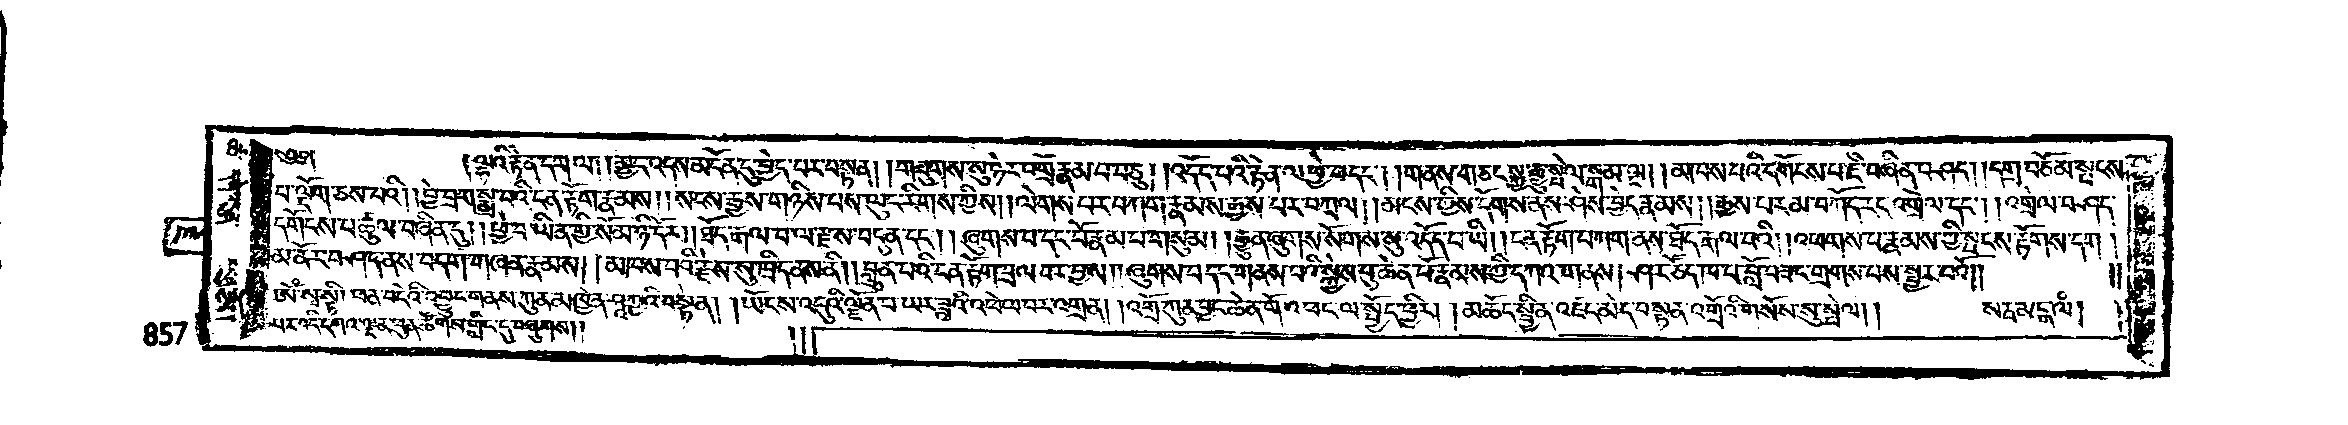༄༅། །ལྷའི་རྟེན་དག་ལ། །མྱང་འདས་མངོན་དུ་བྱེད་པར་བསྟན། །གཟུགས་སུ་ཉེར་འགྲོ་རྣམ་པ་བཅུ། །འདོད་པའི་རྟེན་ལ་ཕྱེ་བ་དང་། །གནས་གཙང་སྐྱེ་རྒྱུ་སྤེལ་སྒོམ་ལྔ། །མཁས་པའི་དགོངས་པ་ཇི་བཞིན་བཤད། །དགྲ་བཅོམ་སྤངས་
པ་ལྡོག་ཅེས་པའི། །བྱེ་བྲག་སྨྲ་བའི་ངན་རྟོག་རྣམས། །སངས་རྒྱས་གཉིས་པས་ལུང་རིགས་ཀྱིས། །ལེགས་པར་བཀག་རྣམས་རྒྱས་པར་བཀྲལ། །མངས་ཀྱིས་དོགས་ནས་ཤེས་བྱེད་རྣམས། །རྒྱས་པར་མ་བཀོད་རང་འགྲེལ་དང་། །འགྲེལ་བཤད་
དགོངས་པ་ཚུལ་བཞིན་དུ། །ཕྱེ་བ་ཡིན་གྱི་སོམ་ཉི་དོར། །ཐོད་རྒལ་བ་ལ་རྫས་བདུན་དང་། །ཞུགས་པ་དང་པོ་རྣམ་པ་གསུམ། །རྒྱུན་ཞུགས་སོགས་སུ་འདོད་པ་ཡི། །ངན་རྟོག་བཀག་ནས་ཐོད་རྒལ་བའི། །འཕགས་པ་རྣམས་ཀྱི་སྤངས་རྟོགས་དག །
མ་ནོར་བཤད་ནས་བདག་གཞན་རྣམས། །མཁས་པའི་རྗེས་སུ་ཁྲིད་ནས་ནི། །བླུན་པོའི་ངན་རྟོག་བྲལ་བར་བྱས། །ཞུགས་པ་དང་གནས་པའི་སྐྱེས་བུ་ཆེན་པོ་རྣམས་ཀྱི་དཀའ་གནས། ཤར་ཙོང་ཁ་པ་བློ་བཟང་གྲགས་པས་སྦྱར་བའོ།། །།
ཨོཾ་སྭ་སྟི། ཕན་བདེའི་འབྱུང་གནས་ཀུན་མཁྱེན་ཤཱཀྱའི་བསྟན། །ཡོངས་འདུའི་ལྗོན་པ་ཡར་ཟླའི་འཕེལ་བར་འགྲན། །འགྲོ་ཀུན་བྱང་ཆེན་གོ་འཕང་ལ་སྤྱོད་ཕྱིར། །མཆོད་སྦྱིན་འཛད་མེད་བསྟན་འགྲོའི་གསོས་སུ་སྤེལ།། སརྭ་མངྒ་ལཾ། །
པར་འདི་དགའ་ལྡན་ཕུན་ཚོགས་གླིང་དུ་བཞུགས།། །།